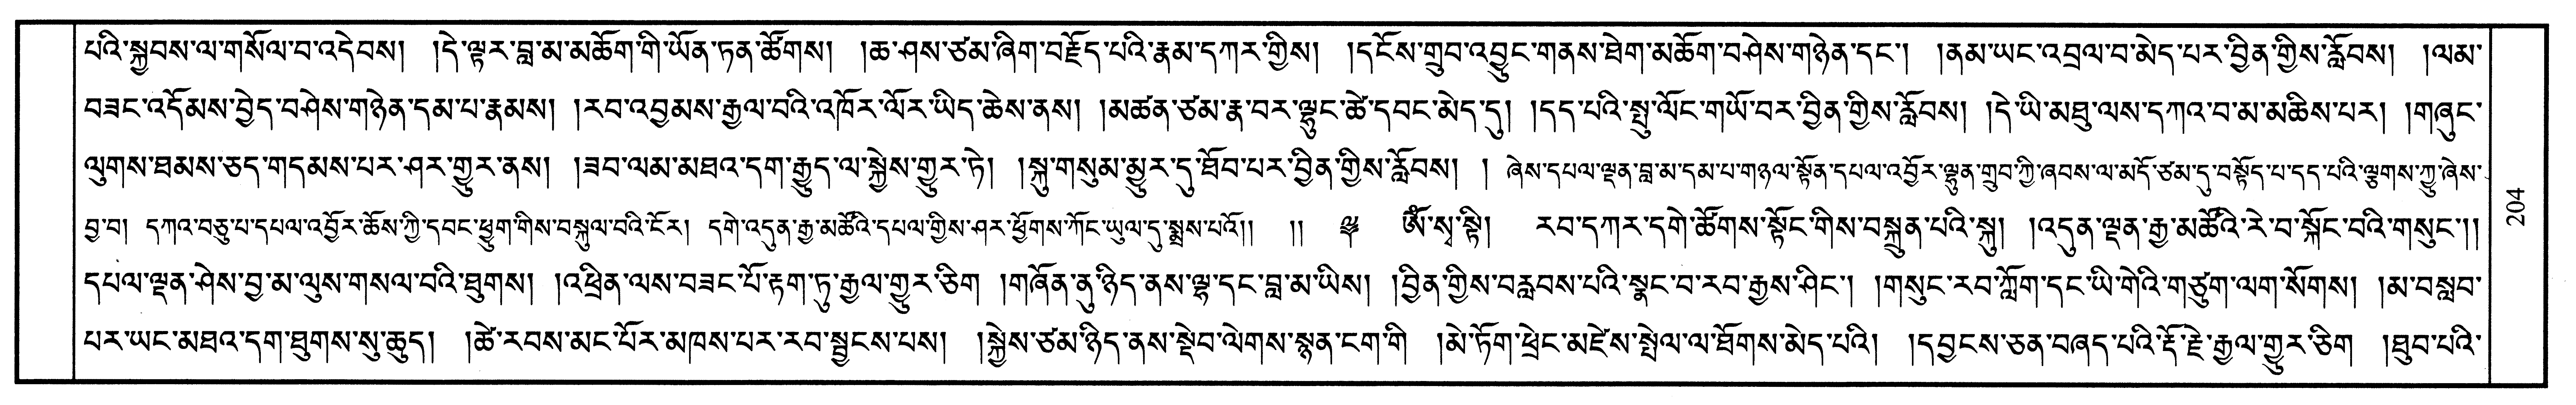པའི་སྐྱབས་ལ་གསོལ་བ་འདེབས། །དེ་ལྟར་བླ་མ་མཆོག་གི་ཡོན་ཏན་ཚོགས། །ཆ་ཤས་ཙམ་ཞིག་བརྗོད་པའི་རྣམ་དཀར་གྱིས། །དངོས་གྲུབ་འབྱུང་གནས་ཐེག་མཆོག་བཤེས་གཉེན་དང་། །ནམ་ཡང་འབྲལ་བ་མེད་པར་བྱིན་གྱིས་རློབས། །ལམ་
བཟང་འདོམས་བྱེད་བཤེས་གཉེན་དམ་པ་རྣམས། །རབ་འབྱམས་རྒྱལ་བའི་འཁོར་ལོར་ཡིད་ཆེས་ནས། །མཚན་ཙམ་རྣ་བར་ལྷུང་ཚེ་དབང་མེད་དུ། །དད་པའི་སྤུ་ལོང་གཡོ་བར་བྱིན་གྱིས་རློབས། །དེ་ཡི་མཐུ་ལས་དཀའ་བ་མ་མཆིས་པར། །གཞུང་
ལུགས་ཐམས་ཅད་གདམས་པར་ཤར་གྱུར་ནས། །ཟབ་ལམ་མཐའ་དག་རྒྱུད་ལ་སྐྱེས་གྱུར་ཏེ། །སྐུ་གསུམ་མྱུར་དུ་ཐོབ་པར་བྱིན་གྱིས་རློབས། །ཞེས་དཔལ་ལྡན་བླ་མ་དམ་པ་གཉལ་སྟོན་དཔལ་འབྱོར་ལྷུན་གྲུབ་ཀྱི་ཞབས་ལ་མདོ་ཙམ་དུ་བསྟོད་པ་དད་པའི་ལྕགས་ཀྱུ་ཞེས་
བྱ་བ། དཀའ་བཅུ་པ་དཔལ་འབྱོར་ཆོས་ཀྱི་དབང་ཕྱུག་གིས་བསྐུལ་བའི་ངོར། དགེ་འདུན་རྒྱ་མཚོའི་དཔལ་གྱིས་ཤར་ཕྱོགས་ཀོང་ཡུལ་དུ་སྨྲས་པའོ།། །།༈ ཨོཾ་སྭ་སྟི། རབ་དཀར་དགེ་ཚོགས་སྟོང་གིས་བསྐྲུན་པའི་སྐུ། །འདུན་ལྡན་རྒྱ་མཚོའི་རེ་བ་སྐོང་བའི་གསུང་། །
དཔལ་ལྡན་ཤེས་བྱ་མ་ལུས་གསལ་བའི་ཐུགས། །འཕྲིན་ལས་བཟང་པོ་རྟག་ཏུ་རྒྱལ་གྱུར་ཅིག །གཞོན་ནུ་ཉིད་ནས་ལྷ་དང་བླ་མ་ཡིས། །བྱིན་གྱིས་བརླབས་པའི་སྣང་བ་རབ་རྒྱས་ཤིང་། །གསུང་རབ་ཀློག་དང་ཡི་གེའི་གཙུག་ལག་སོགས། །མ་བསླབ་
པར་ཡང་མཐའ་དག་ཐུགས་སུ་ཆུད། །ཚེ་རབས་མང་པོར་མཁས་པར་རབ་སྦྱངས་པས། །སྐྱེས་ཙམ་ཉིད་ནས་སྡེབ་ལེགས་སྙན་ངག་གི །མེ་ཏོག་ཕྲེང་མཛེས་སྤེལ་ལ་ཐོགས་མེད་པའི། །དབྱངས་ཅན་བཞད་པའི་རྡོ་རྗེ་རྒྱལ་གྱུར་ཅིག །ཐུབ་པའི་